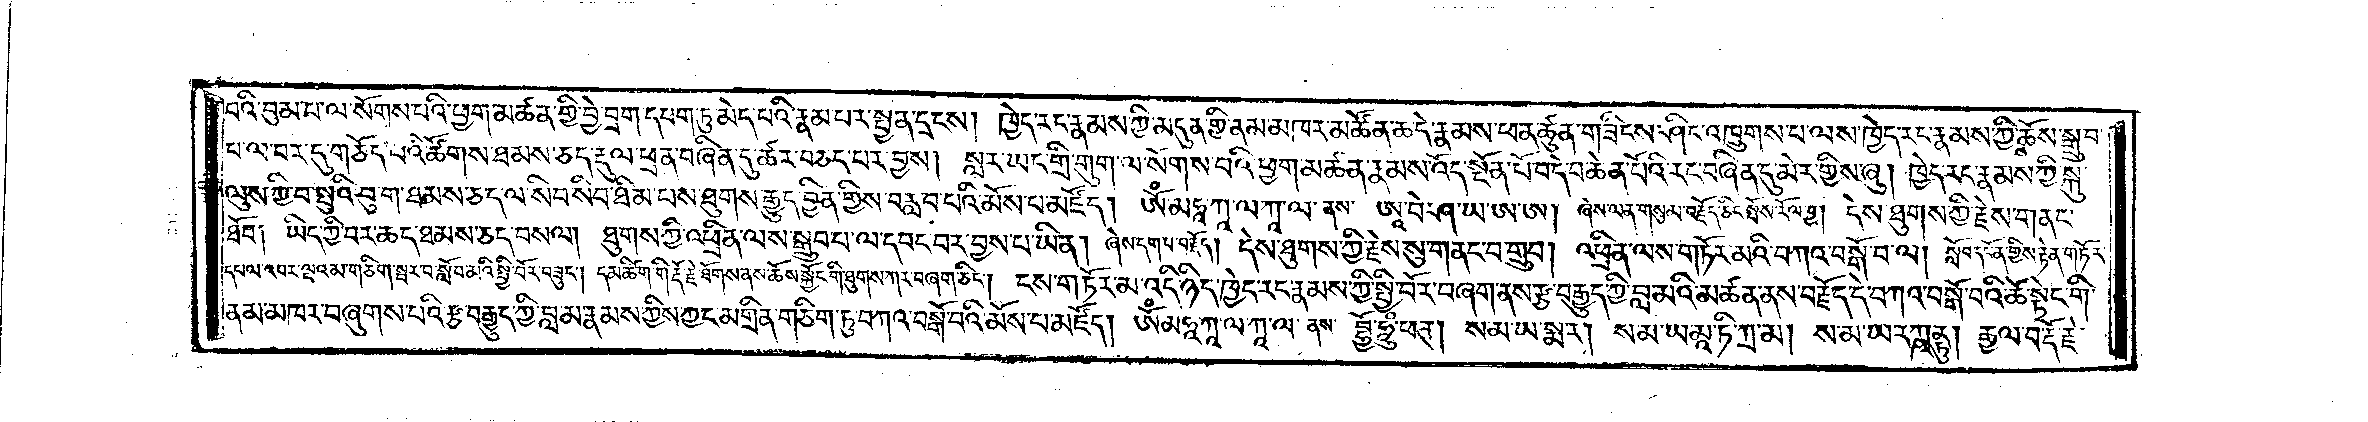བའི་བུམ་པ་ལ་སོགས་པའི་ཕྱག་མཚན་གྱི་བྱེ་བྲག་དཔག་ཏུ་མེད་པའི་རྣམ་པར་སྤྱན་དྲངས། ཁྱེད་རང་རྣམས་ཀྱི་མདུན་གྱི་ནམ་མཁར་མཚོན་ཆ་དེ་རྣམས་ཕན་ཚུན་གཟིངས་ཤིང་འཁྲུགས་པ་ལས་ཁྱེད་རང་རྣམས་ཀྱི་ཆོས་སྒྲུབ་
པ་ལ་བར་དུ་གཅོད་པའི་ཚོགས་ཐམས་ཅད་རྡུལ་ཕྲན་བཞིན་དུ་ཚར་བཅད་པར་བྱས། སླར་ཡང་གྲི་གུག་ལ་སོགས་པའི་ཕྱག་མཚན་རྣམས་འོད་སྔོན་པོ་བདེ་བ་ཆེན་པོའི་རང་བཞིན་དུ་མེར་གྱིས་ཞུ། ཁྱེད་རང་རྣམས་ཀྱི་སྐུ་
ལུས་ཀྱི་བ་སྤུའི་བུ་ག་ཐམས་ཅད་ལ་སིབ་སིབ་ཐིམ་པས་ཐུགས་རྒྱུད་བྱིན་གྱིས་བརླབ་པའི་མོས་པ་མཛོད། ཨོཾ་མཧཱ་ཀཱ་ལ་ཀཱ་ལ་ནས་ཨཱ་བེ་ཤ་ཡ་ཨ་ཨ། ཞེས་ལན་གསུམ་བརྗོད་ཅིང་སྤོས་རོལ་བྱ།  དེས་ཐུགས་ཀྱི་རྗེས་གནང་
ཐོབ། ཡིད་ཀྱི་བར་ཆད་ཐམས་ཅད་བསལ། ཐུགས་ཀྱི་འཕྲིན་ལས་སྒྲུབ་པ་ལ་དབང་བར་བྱས་པ་ཡིན། ཞེས་དག་པ་བརྗོད།  དེས་ཐུགས་ཀྱི་རྗེས་སུ་གནང་བ་གྲུབ། འཕྲིན་ལས་གཏོར་མའི་བཀའ་བསྒོ་བ་ལ། སློབ་དཔོན་གྱིས་རྟེན་གཏོར་
དཔལ་འབར་ལྔའམ་གཅིག་སྦར་བ་སློབ་མའི་སྤྱི་བོར་བཟུང་། དམ་ཚིག་གི་རྡོ་རྗེ་ཐོགས་ནས་ཆོས་སྐྱོང་གི་ཐུགས་ཀར་བཞག་ཅིང་། ངས་གཏོར་མ་འདི་ཉིད་ཁྱེད་རང་རྣམས་ཀྱི་སྤྱི་བོར་བཞག་ནས་རྩ་བརྒྱུད་ཀྱི་བླ་མའི་མཚན་ནས་བརྗོད་དེ་བཀའ་བསྒོ་བའི་ཚེ་སྟེང་གི་
ནམ་མཁར་བཞུགས་པའི་རྩ་བརྒྱུད་ཀྱི་བླ་མ་རྣམས་ཀྱིས་ཀྱང་མགྲིན་གཅིག་ཏུ་བཀའ་བསྒོ་བའི་མོས་པ་མཛོད། ཨོཾ་མཧཱ་ཀཱ་ལ་ཀཱ་ལ་ནས་བྷྱོ་ཧཱུཾ་ཕཊ། ས་མ་ཡ་སྨར། ས་མ་ཡ་མཱ་ཏི་ཀྲ་མ། ས་མ་ཡ་རཀྵནྟུ། རྒྱལ་བ་རྡོ་རྗེ་